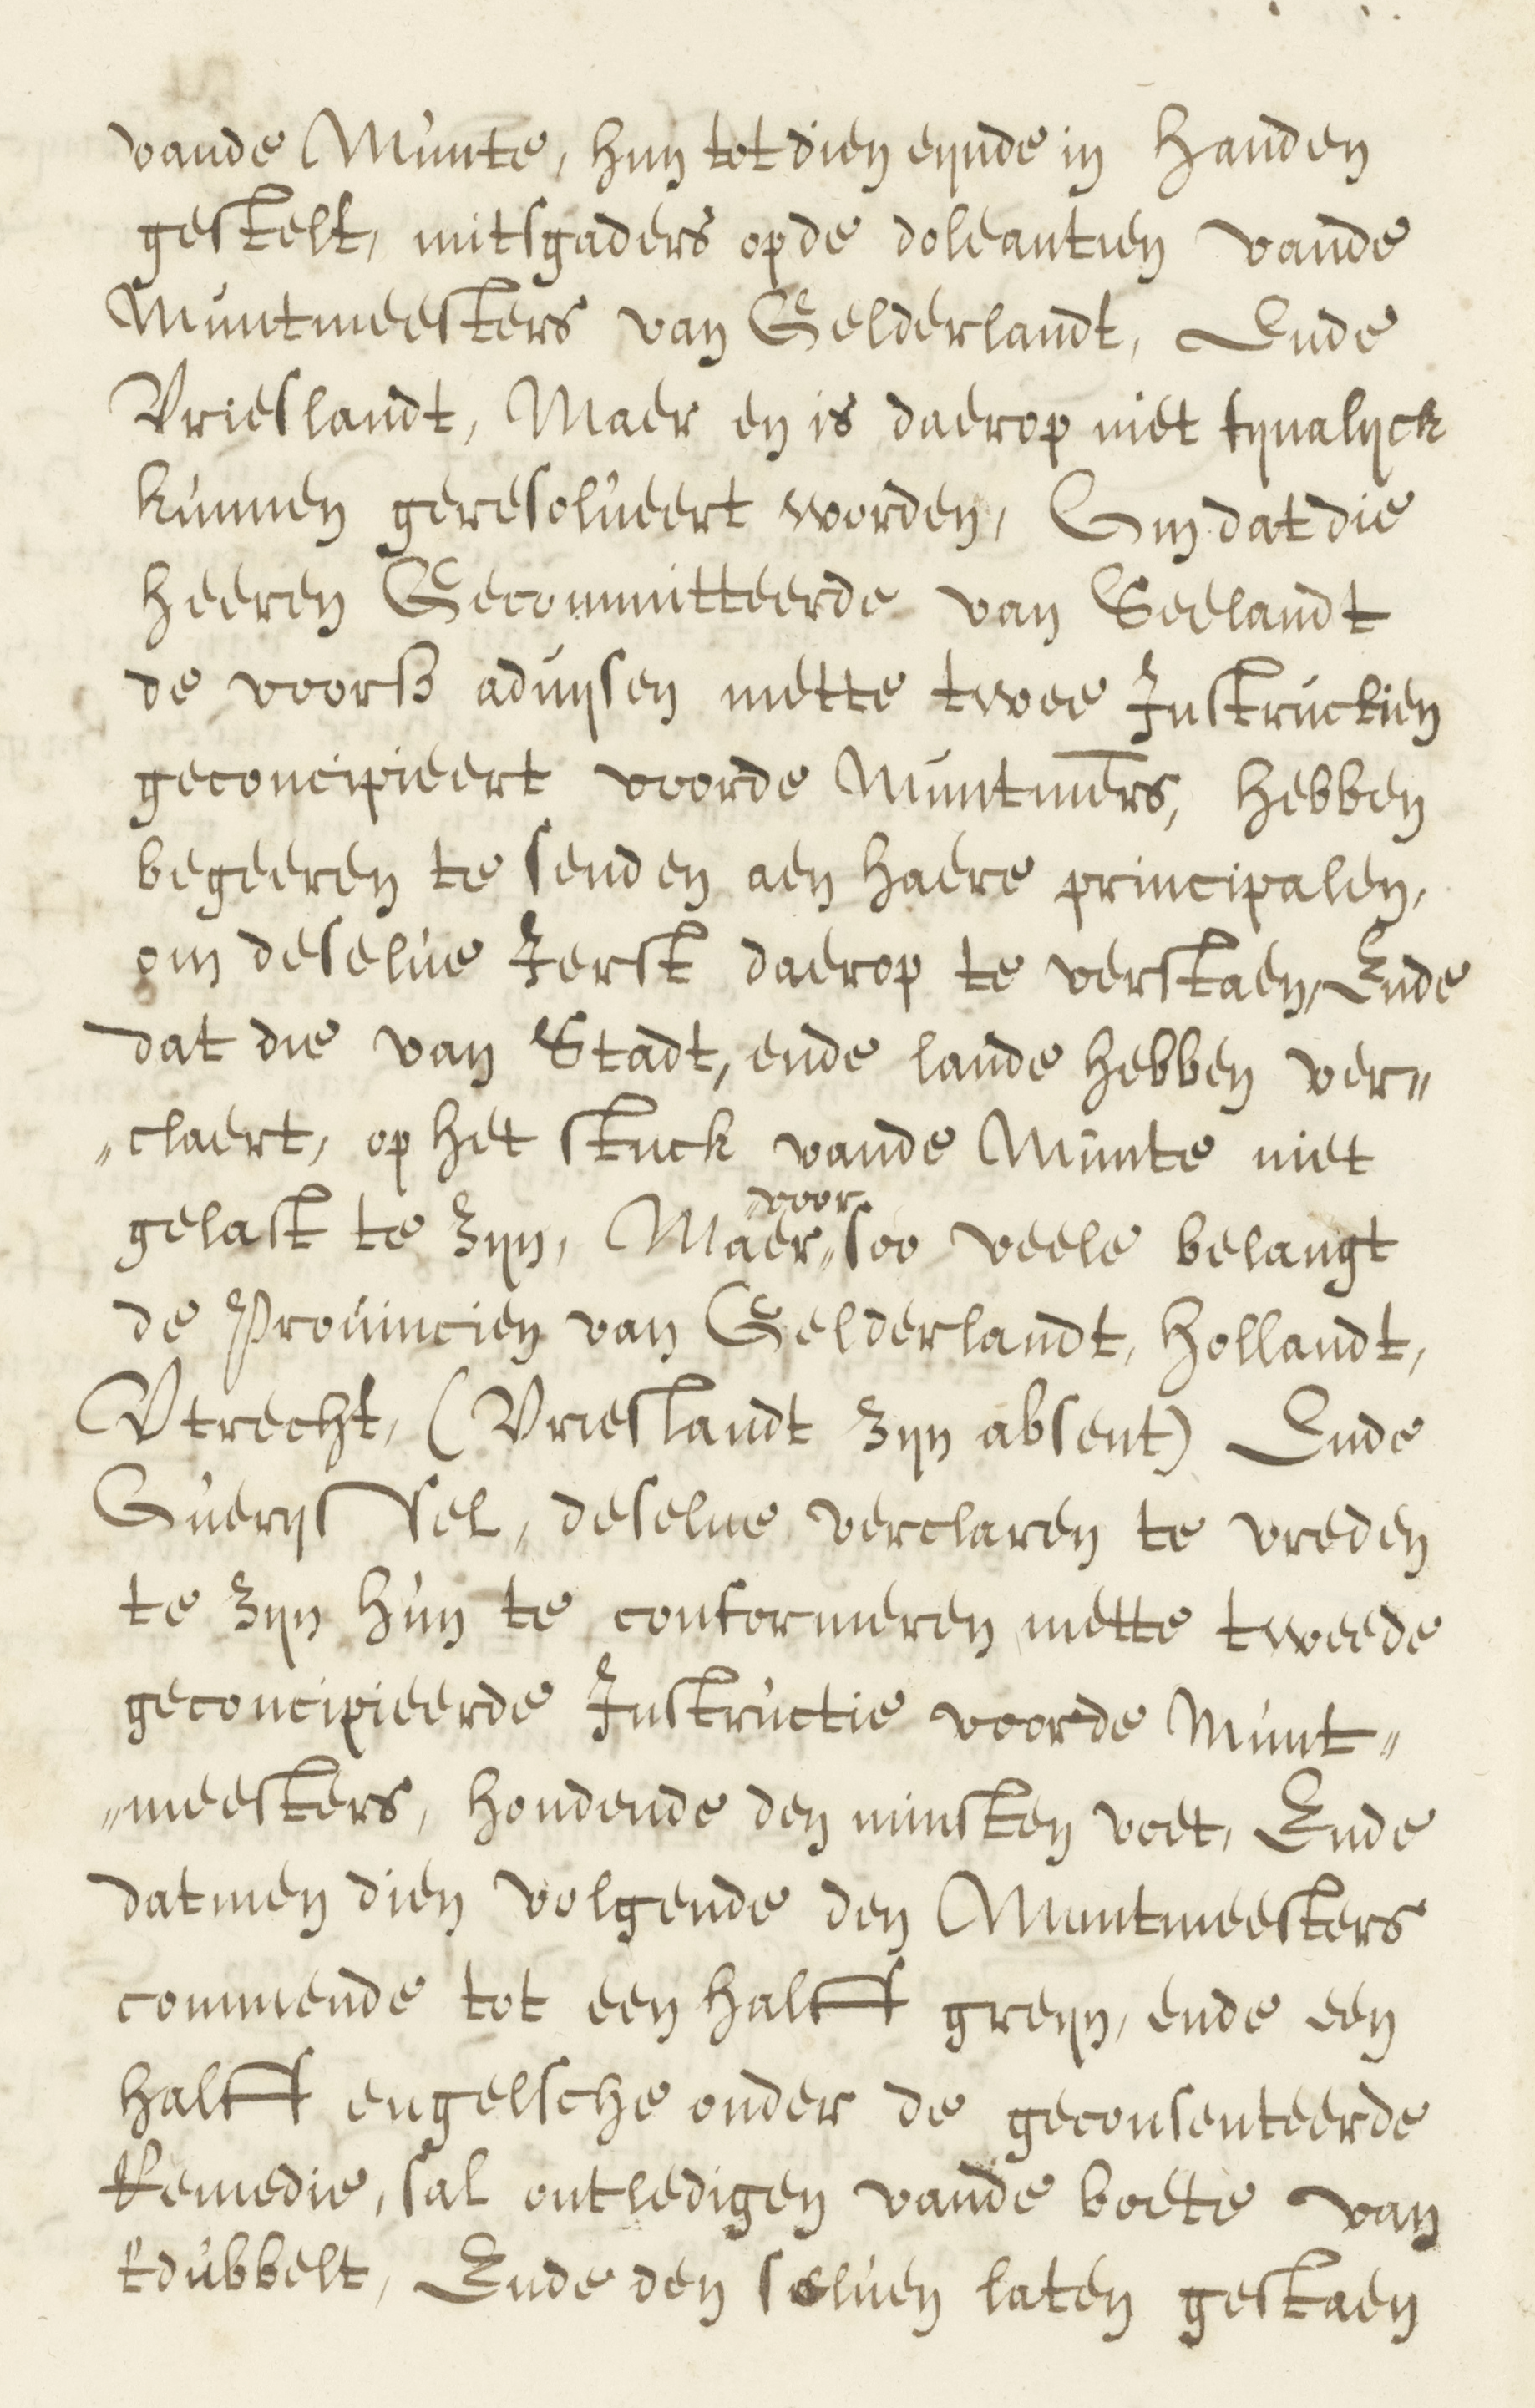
vande Munte, hun tot dien eynde in handen
gestelt, mitsgaders opde doleantien vande
Muntmeesters van Gelderlandt, Ende
Vrieslandt, Maer en is daerop niet fynalyck
kunnen geresolueert worden, Om dat die
heeren Gecommitteerde van Seelandt
de voors aduysen mette twee Instructien
geconcipieert voorde Muntmers, hebben
begeeren te senden aen haere principalen,
om deselue Ierst daerop te verstaen, Ende
dat die van Stadt, ende lande hebben ver„
„claert, op het stuck vande Munte niet
gelast te zyn, Maer„voor soo veele belangt
de Prouincien van Gelderlandt, Hollandt,
Vtrecht, (Vrieslandt zyn absent) Ende
Oueryssel, deselue verclaren te vreden
te zyn hun te conformeren mette tweede
geconcipieerde Instructie voorde Munt„
„meesters, houdende den minsten voet, Ende
dat men dien volgende den Muntmeesters
commende tot een halff greyn, ende een
halff engelsche onder de geconsenteerde
Remedie, sal ontledigen vande boete van
t'dubbelt, Ende den seluen laten gestaen
